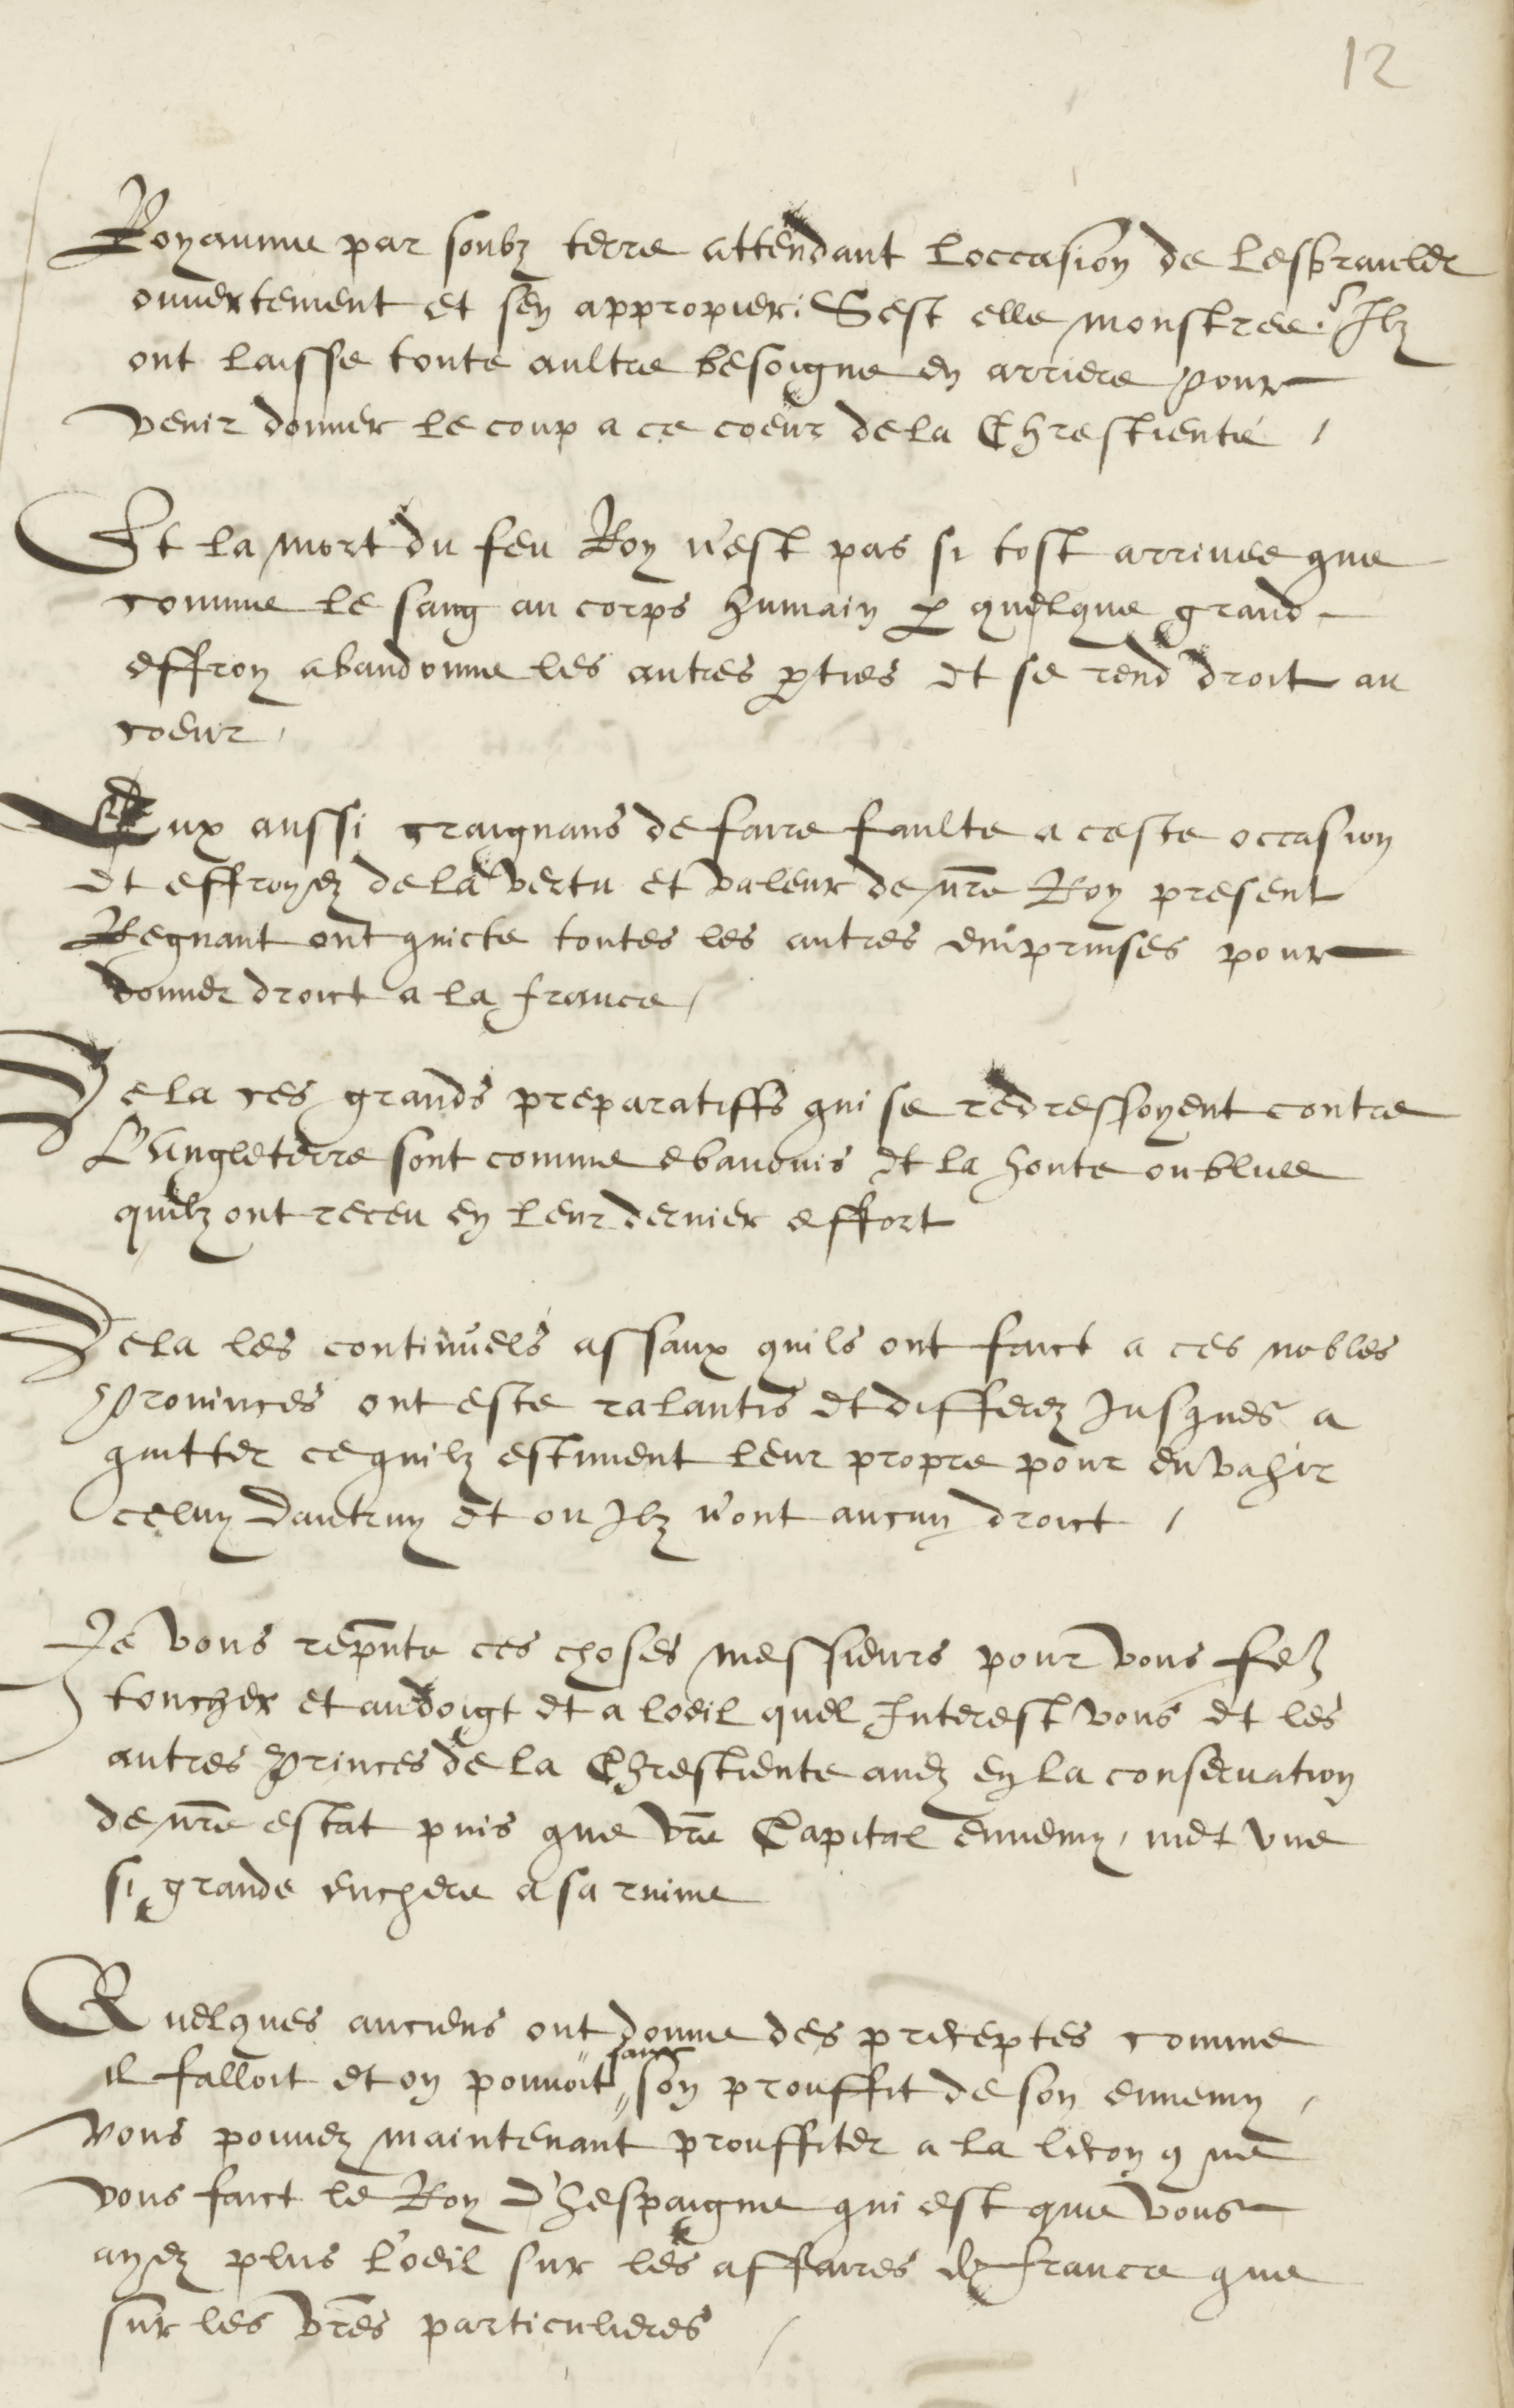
12
Royaume par soubz terre attendant loccasion de les branler
ouvertement et sen appropier: Sest elle monstrees. Ilz
ont laisse toute aultre besoigne en arriere pour„
venir donner le coup a ce coeur de la Chrestientié.
Et la mort du feu Roy n‛est pas si tost arriuee que
comme le sang au corps humain L quelque grand
effroy abandonne les autes pties et se rend droit au
coeur.
Eux aussi craignans de faire faulte a ceste occasion
et effroyez de la vertu et valeur de nre Roy present
Regnant ont quicte toutes les autres emprinses pour
donner droict a la france.
Dela ces grands preparatiffs qui se redressoyent contre
L‛Angleterre sont comme evanouis et la honte oubliee
quilz ont receu en Leur dernier effort
Dela les continuels assaux quils ont faict a ces nobles
Prouinces ont este ralantis et differez jusques a
quitter ce quilz estiment leur propre pour envahir
celuy dantruy et ou ilz n‛ont aucun droict
Je vous repnte ces choses messieurs pour vous fez
toucher et au doigt et a loeil quel Interest vous et les
autres Princes de la Chrestiente auez en la conseruation
de nre estat puis que vre Capital ennemy, met vue
si grande enchere a sa ruine
Quelques anciens ont donne des preceptes comme
”faire
il falloit et on pouuoit„ son prouffit de son ennemy
vous pouuez maintenant prouffiter a la lecon que
vous faict le Roy d'hespaigne qui est que vous
ayez plus l‛oeil sur les affaires de France que
sur les vres particulieres.
